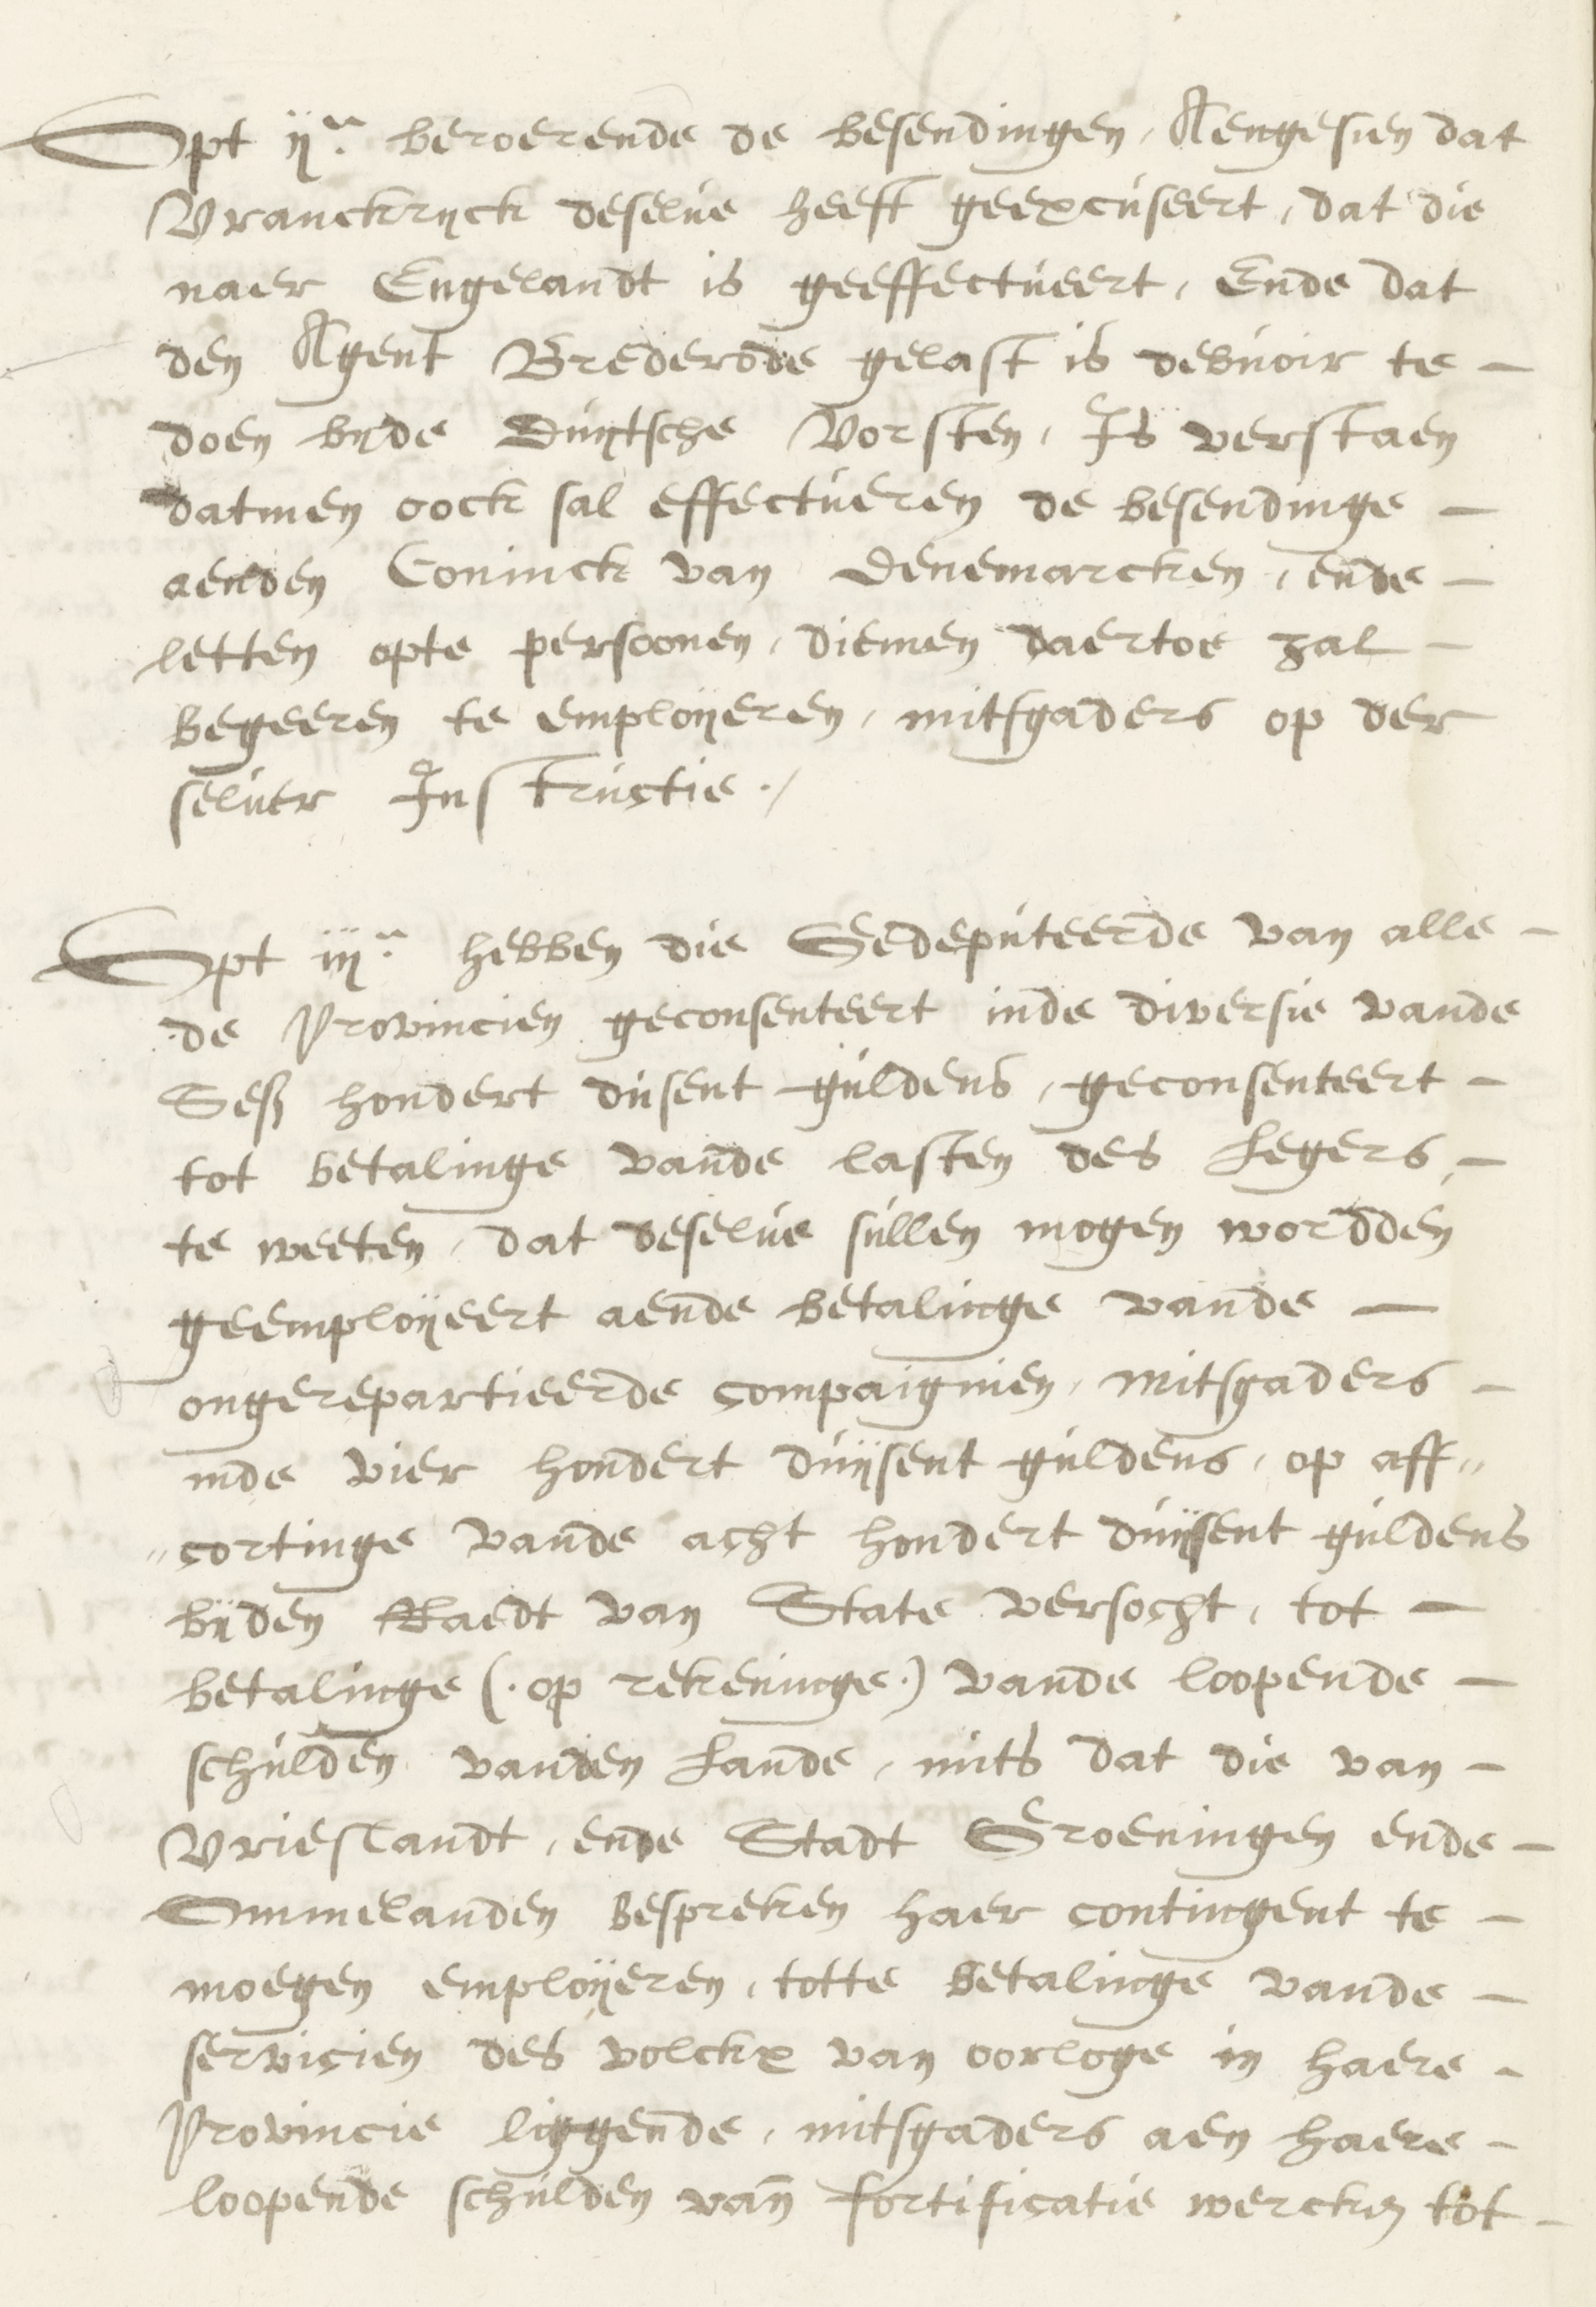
Opt ije beroerende de besendingen, Aengesien dat
Vranckryck deselue heeft geexcuseert, dat die
naer Engelandt is geeffectueert, Ende dat
den Agent Brederode gelast is debuoir te
doen by de Duytsche Vorsten. Is verstaen
datmen oock sal effectueren de besendinge
aenden Coninck van Denemarcken, ende
letten opte persoonen, diemen daertoe zal
begeeren te emploijeren, mitsgaders op der
seluer instructie.
Opt iije hebben die Gedeputeerde van alle
de Provincien geconsenteert inde diversie vande
Sess hondert dusent guldens, geconsenteert
tot betalinge vande lasten des Legers
te weeten, dat deselue sullen mogen wordden
geemploijeert aende betalinge vande
ongerrepartieerde compaignen, mitsgaders
inde vier hondert duijsent guldens, op aff„
,,cortinge vande acht honder duijsent guldens
bijden Raedt van State versocht, tot
betalinge (.op rekeninge.) vande loopende
schulden vanden Lande, mits dat die van
Vrieslandt, ende Stadt Groeningen ende
Ommelanden bespreken haer contingent te
moegen emploijeren, totte betalinge vande
servicien des volcke van oorloge in haere
Provincie liggende, mitsgaders aen haere
loopende schulden van fortificatie wercken tot
